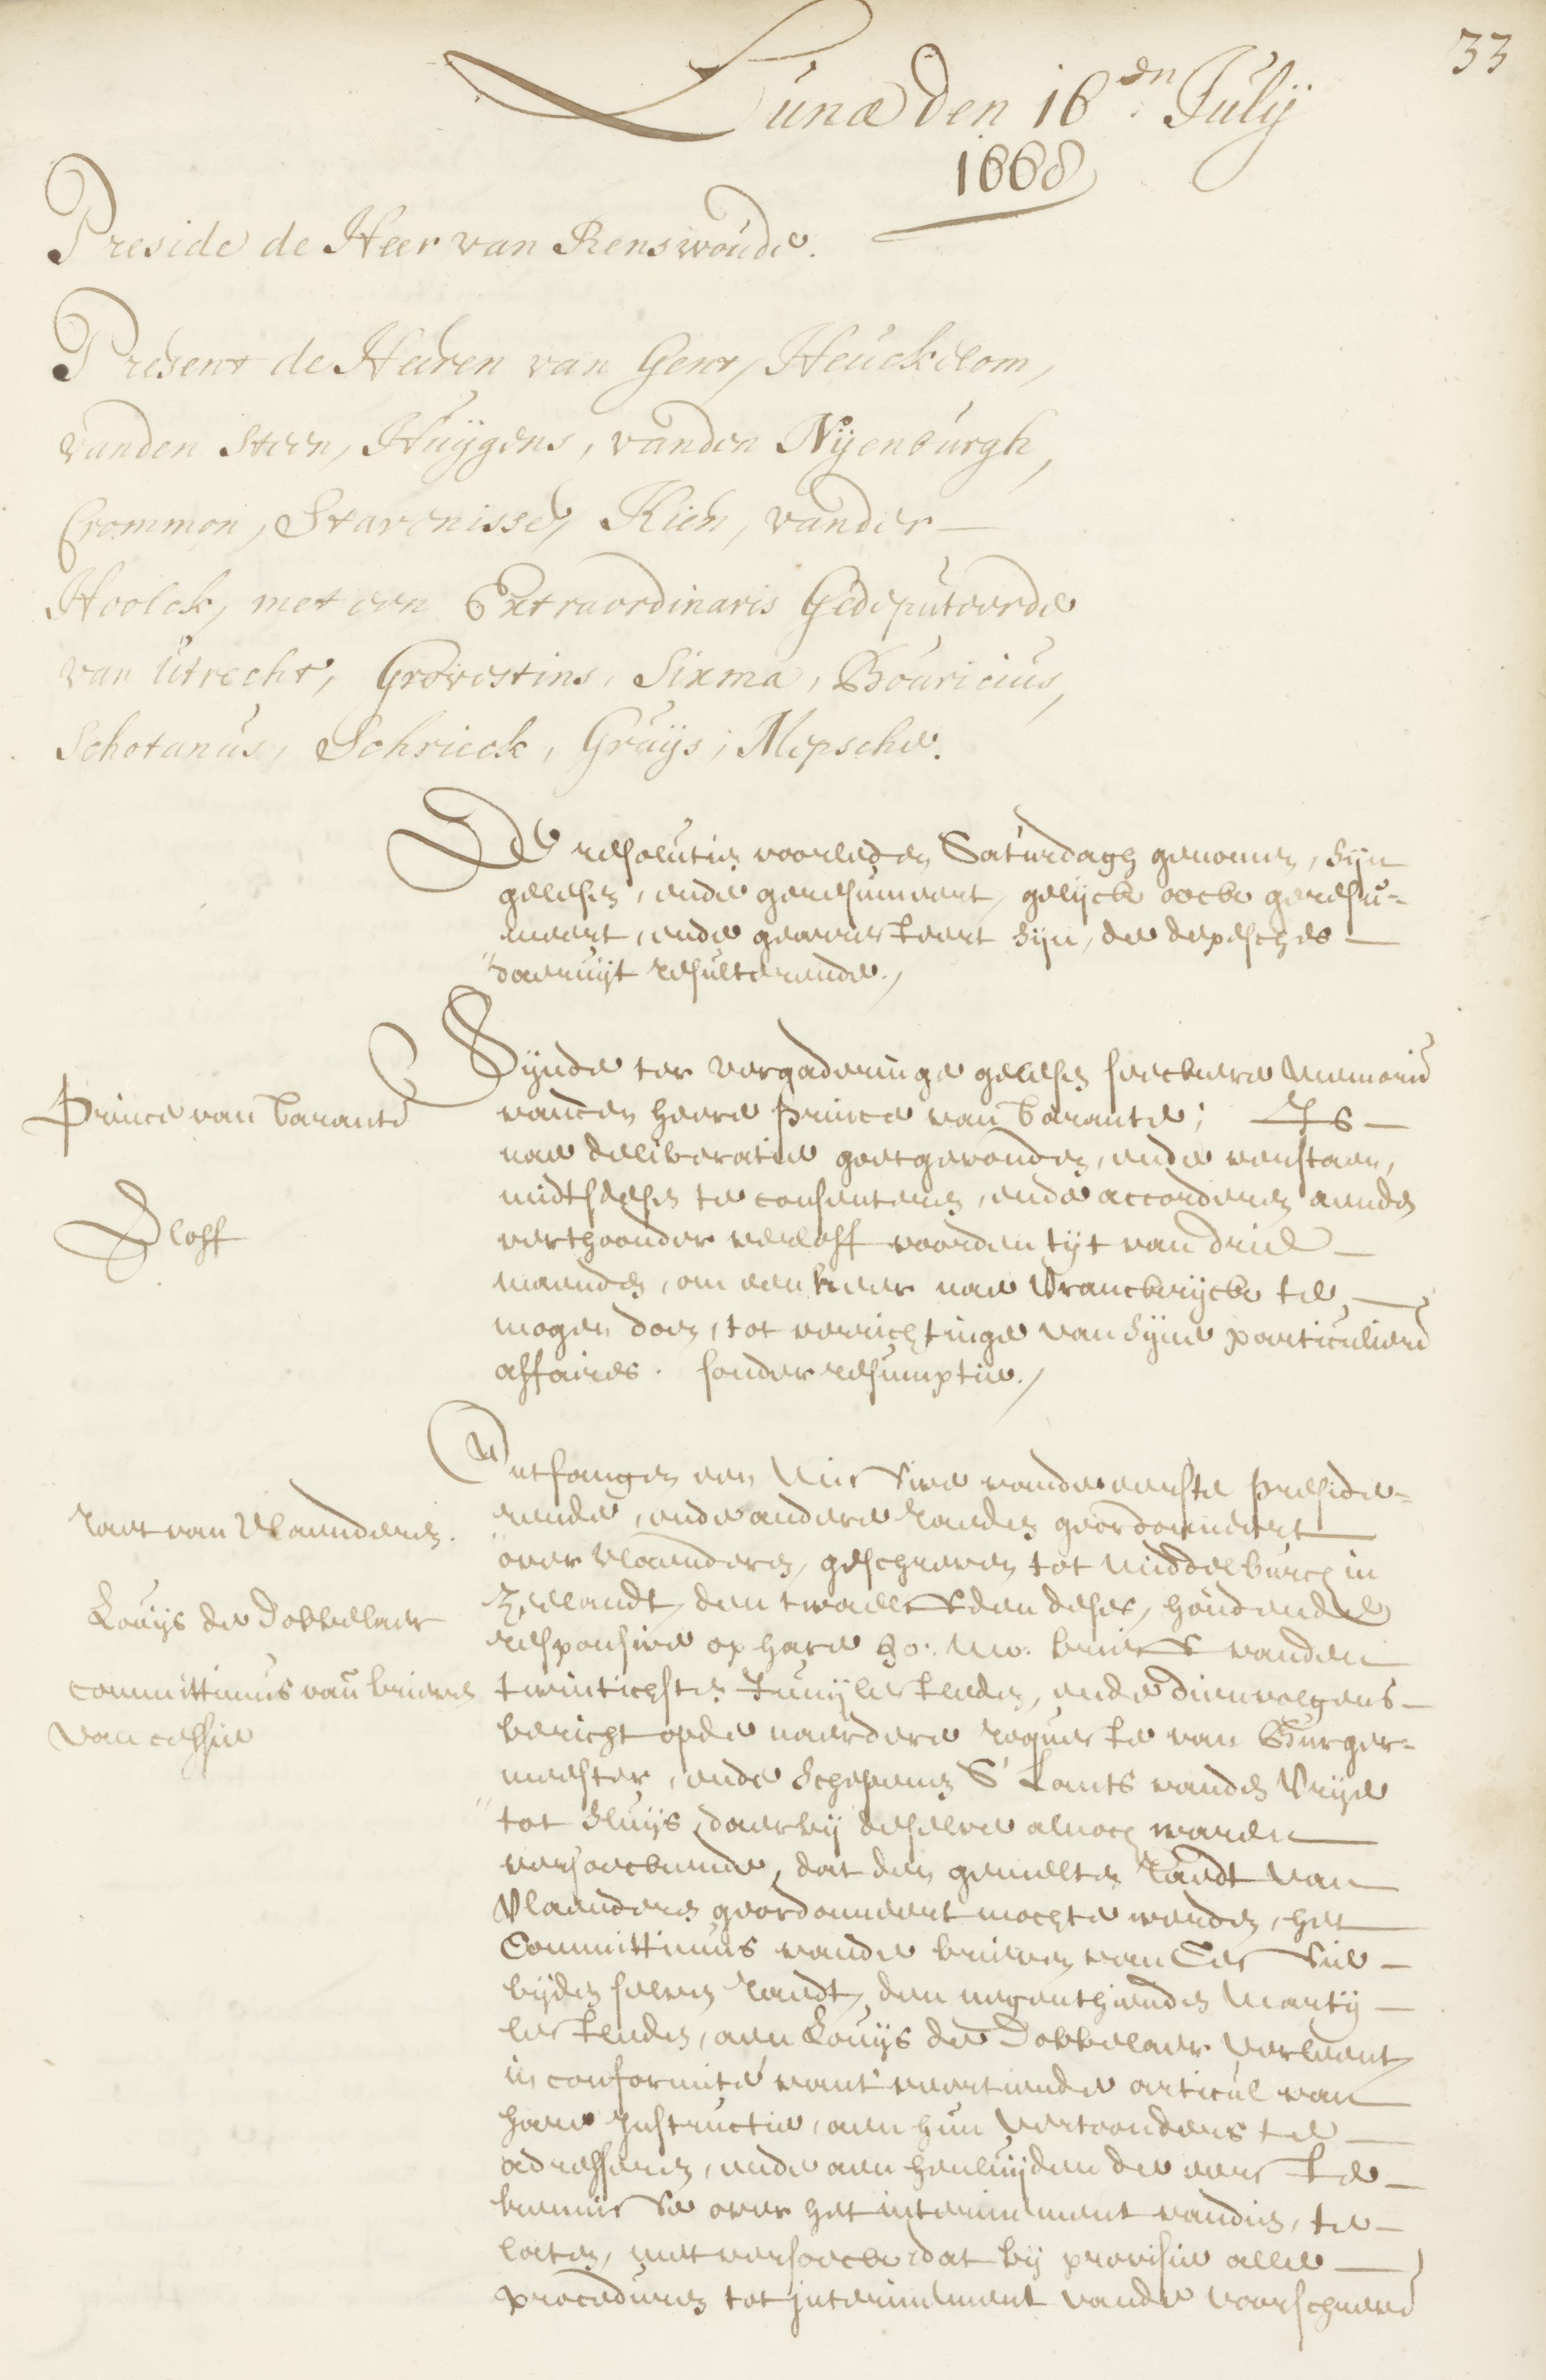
33
Luna den 16en. Julij
1668
Preside de Heer van Renswoude.
Present de Heeren van Gent, Heuckelom,
vanden Steen, Huijgens, vanden Nijenburgh,
Crommon, Stavenissen, Kien, vander —
Hoolck met een Extraordinaris Gedeputeerde
van Utrecht, Grovestins, Sixma, Bouricius,
Schotanus, Schrieck, Gruijs, Mepsche.
De resolutien voorleden Saturdagh genomen, sijn
gelesen, ende geresumeert, gelijck oock geresu=
„meert, ende gearresteert sijn, de depesches —
daeruijt resulterende.
Prince van Tarante
Vloff
Sijnde ter vergaderinge gelesen seeckere memorie
vanden heere prince van Tarante; Is —
nae deliberatie goetgevonden, ende verstaen,
midtsdesen te consenteren, ende accorderen aenden
verthoonder verloff voorden tijt van drie
maenden, om een keer nae Vranckrijck te
mogen doen, tot verrichtinge van sijne particuliere
affaires, sonder resumptie.
Raet van Vlaenderen.
Louijs de Dobbelaer
committimus van brieven
van cessie
Ontfangen een Missive vande eerste preside=
„rende, ende andere Raeden geordonneert
over Vlaenderen, geschreven tot middelburch in
Zeelandt, den twaelffden deses, houdende
responsive op hare ho:Mo: brieff vanden
twintichsten Junij lestleden, ende dienvolgens —
bericht opde naerdere requeste van Burger„
„meester, ende Schepenen S‛Lants vanden Vrije
tot Sluijs, daerbij deselve alnoch waren
versoeckende, dat den gemelten Raedt van
Vlaenderen geordonneert mochte werden, het
Committimus vande brieven van Cessie
bijden selven Raedt, den negenthienden Martij
lestleden, aen Louijs de Dobbelaer verleent,
in conformité vant' veertiende articul van
hare Instructie, aen hun vertoonders te
adresseren, ende aen henluijden die eerste
kennisse over het interinement vandien, te
laten, met versoeck, dat bij provisie alle
proceduren tot interinement vande voorschreve
